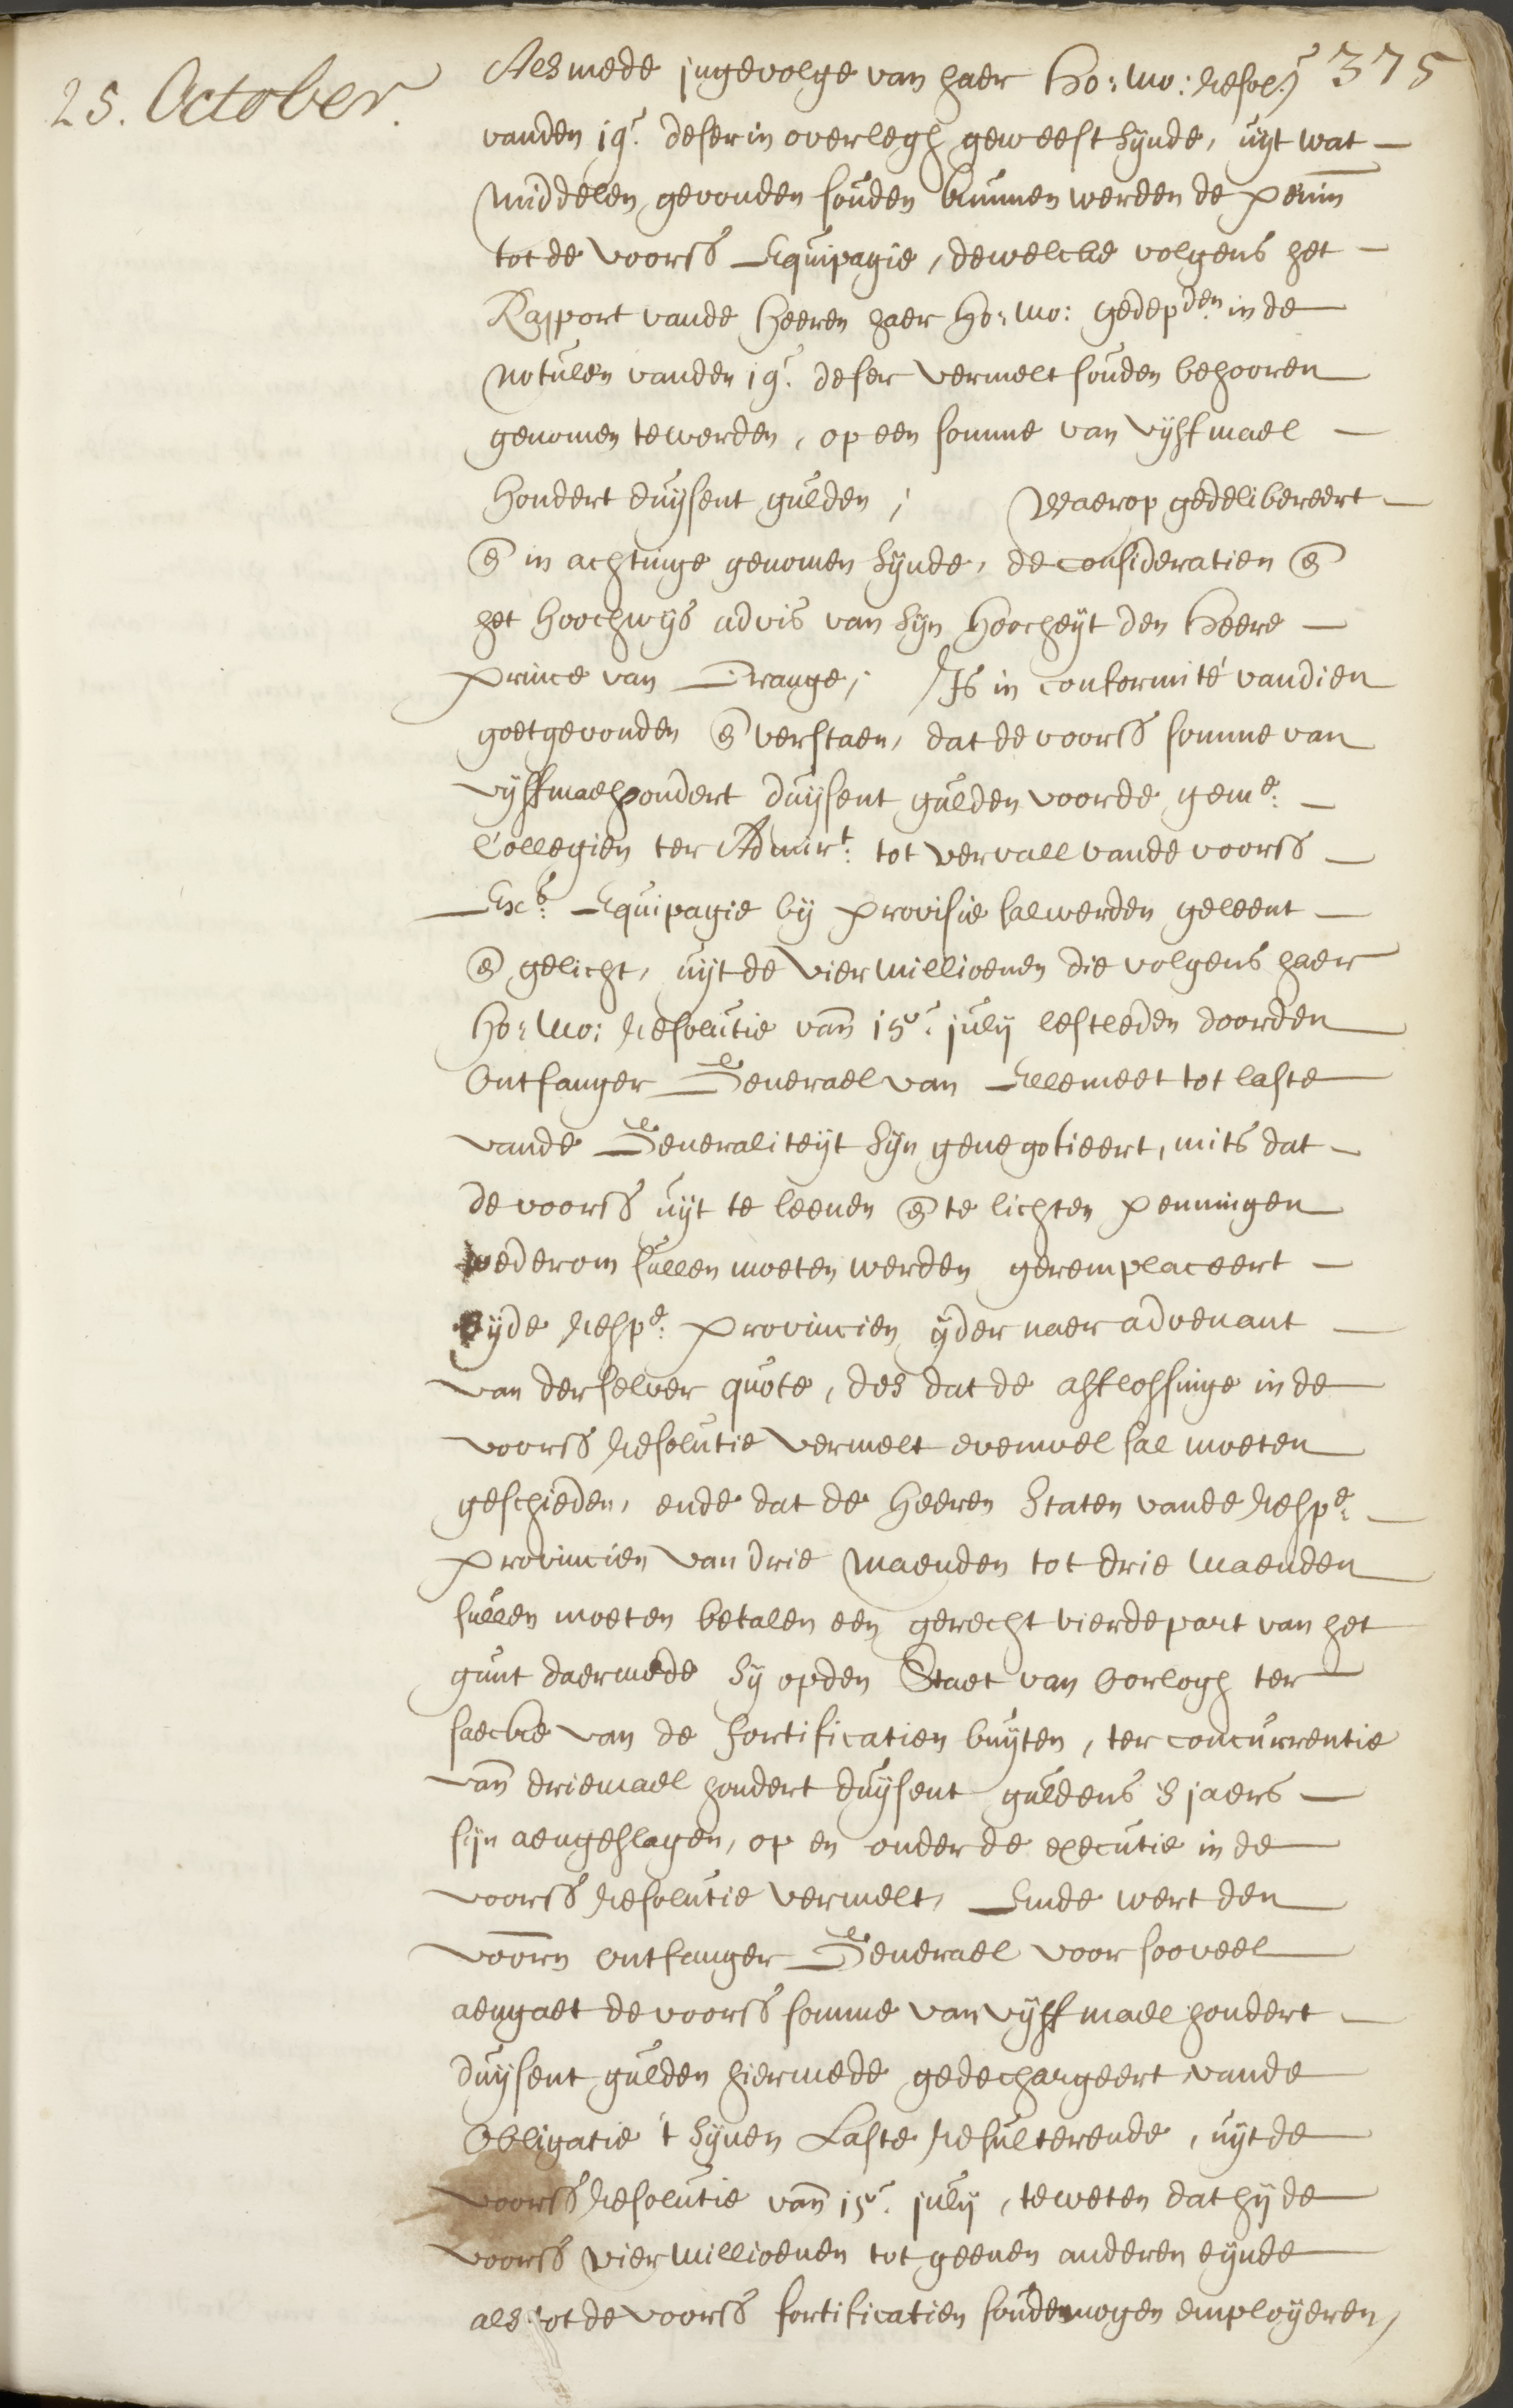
375
25. October.
Alsmede ingevolge van haer Ho:mo: resol
vanden 19e. deser in overlegh geweest sijnde, uijt wat
middelen, gevonden souden kunnen werden de penin
tot de voors Equipagie, dewelcke volgens het
Rapport vande heeren haer ho:mo: gedepden. in de
notulen vanden 19e. deser vermelt souden behooren
genomen te werden, op een somme van vijffmael
hondert duijsent gulden; Waerop gedelibereert
& in achtinge genomen sijnde, de consideratien &
het hoochwijs advis van sijn hoocheijt den heere
Prince van Orange; Is in conformité vandien
goetgevonden & verstaen, dat de voors somme van
vijffmael hondert duijsent gulden voorde geme:
Collegien ter Admirt: tot vervall vande voors
Exs. Equipagie bij provisie sal werden geleent
& gelicht, uijt de vier millioenen die volgens haer
Ho:Mo: resolutie van 15e. julij lestleden doorden
Ontfanger Generael van Ellemeet tot laste
vande Generaliteijt sijn genegotieert, mits dat
de voors uijt te leenen & te lichten penningen
wederom sullen moeten werden geremplaceert
bijde respe provincien ijder naer advenant
van derselver quote, des dat de afflossinge in de
voors resolutie vermelt evenwel sal moeten
geschieden, ende dat de heeren Staten vande respe.
provincien van drie maenden tot drie maenden
sullen moeten betalen een gerecht vierde part van het
gunt daermede sij opden Staet van oorlogh ter
saecke van de fortificatien buijten, ter concurrentie
van driemael hondert duijsent guldens 's jaers
sijn aengeslagen, op en onder de executie in de
voors resolutie vermelt. Ende wert den
voorn ontfanger Generael voor sooveel
aengaet de voors somme van vijffmael hondert
duijsent gulden hiermede gedechargeert vande
Obligatie 't sijnen Laste resulterende, uijt de
voors resolutie van 15e. julij, te weten dat hij de
voors vier millioenen tot geenen anderen eijnde
als tot de voors fortificatien soude mogen emploijeren.
